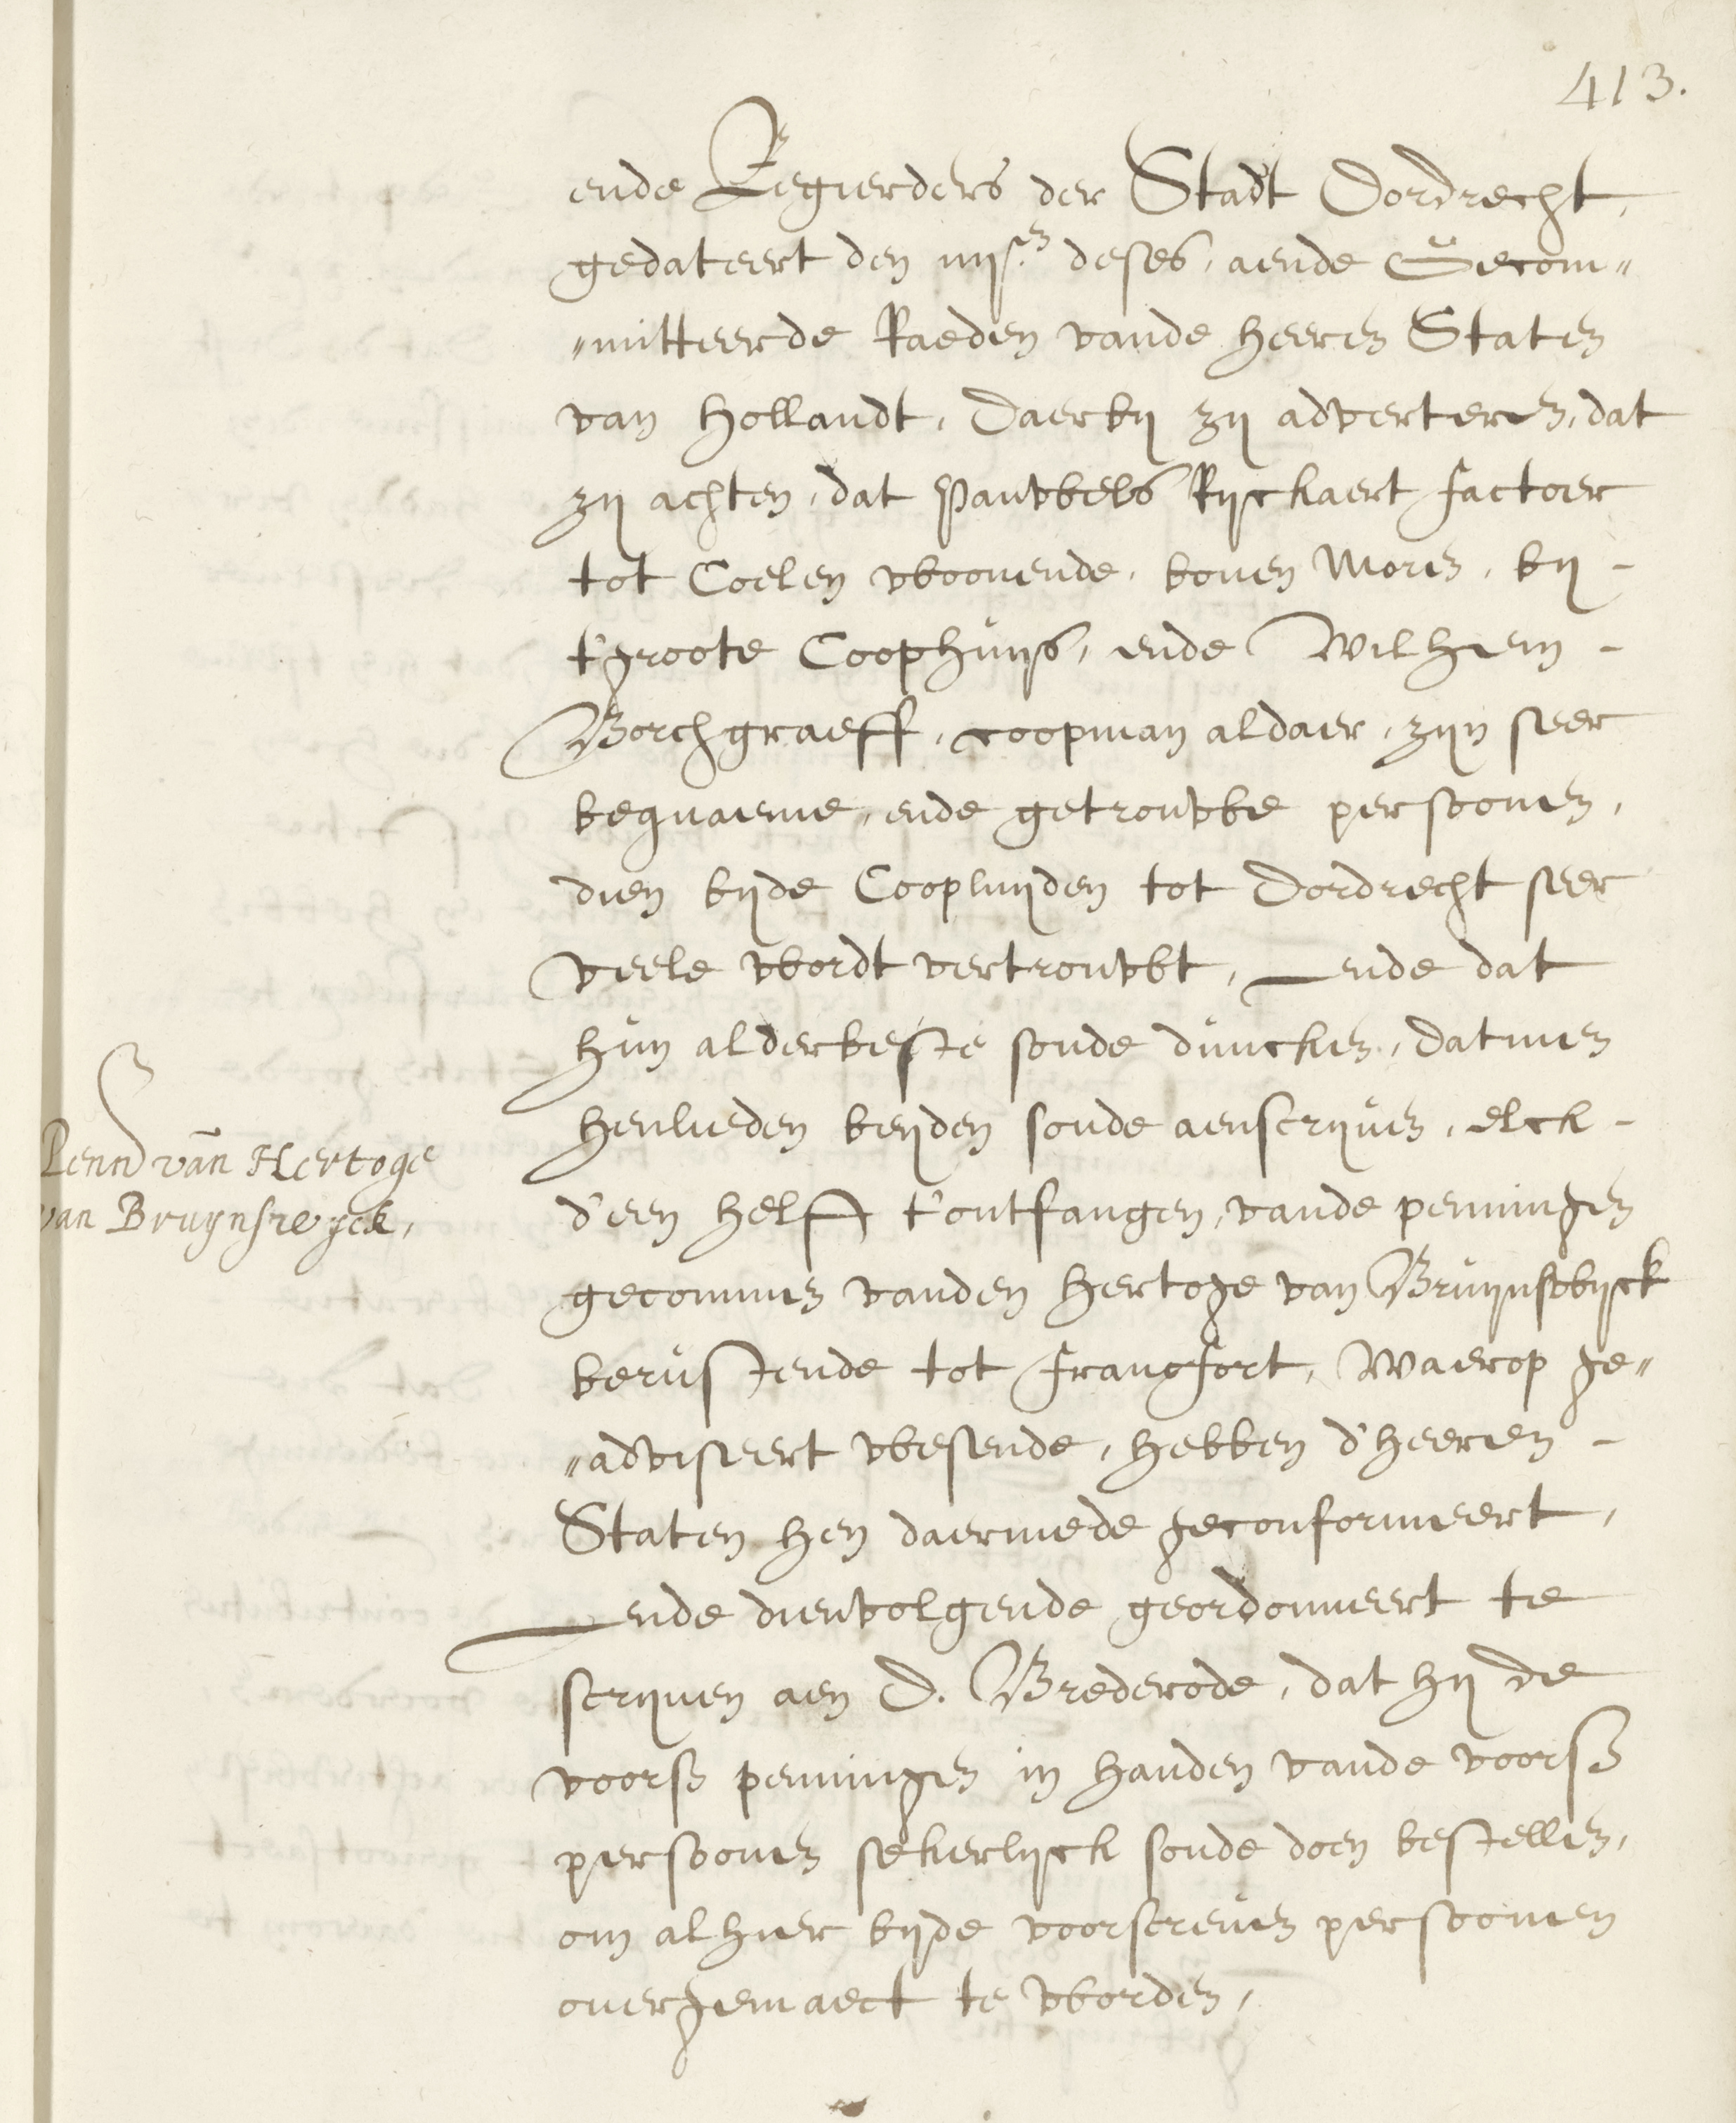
413
Penn van Hertoge
van Bruynswyck
ende Regierders der Stadt Dordrecht,
gedateert den iiijen deses, aende Gecom„
mitteerde Raeden vande heeren Staten
van Hollandt, daerby zij adverteren, dat
zij achten, dat Pauwels Rijckaert factoer
tot Coelen woonende, bouen Moren, by
t'groote Coophuys, ende Wilhem
Borchgraeff, coopman aldaer, zyn seer
bequaeme, ende getrouwe persoonen,
dien bijde Coopluyden tot Dordrecht seer
veele wordt vertrouwt, ende dat
hun alderbeste souden duncken, datmen
henlieden beyden soude aenscryuen, elck
d'een helft t'ontfangen, vande penningen
gecommen vanden hertoge van Bruynswyck
berustende tot francfort. Waerop ge„
,,adviseert wesende, hebben d'heeren
Staten hen daermede geconformeert,
ende dienvolgende geordonneert te
scryven aen D. Brederode, dat hy de
voors penningen in handen vande voors
persoonen sekerlyck soude doen bestellen,
om alhier byde voorscreuen persoonen
overgemaect te worden.
